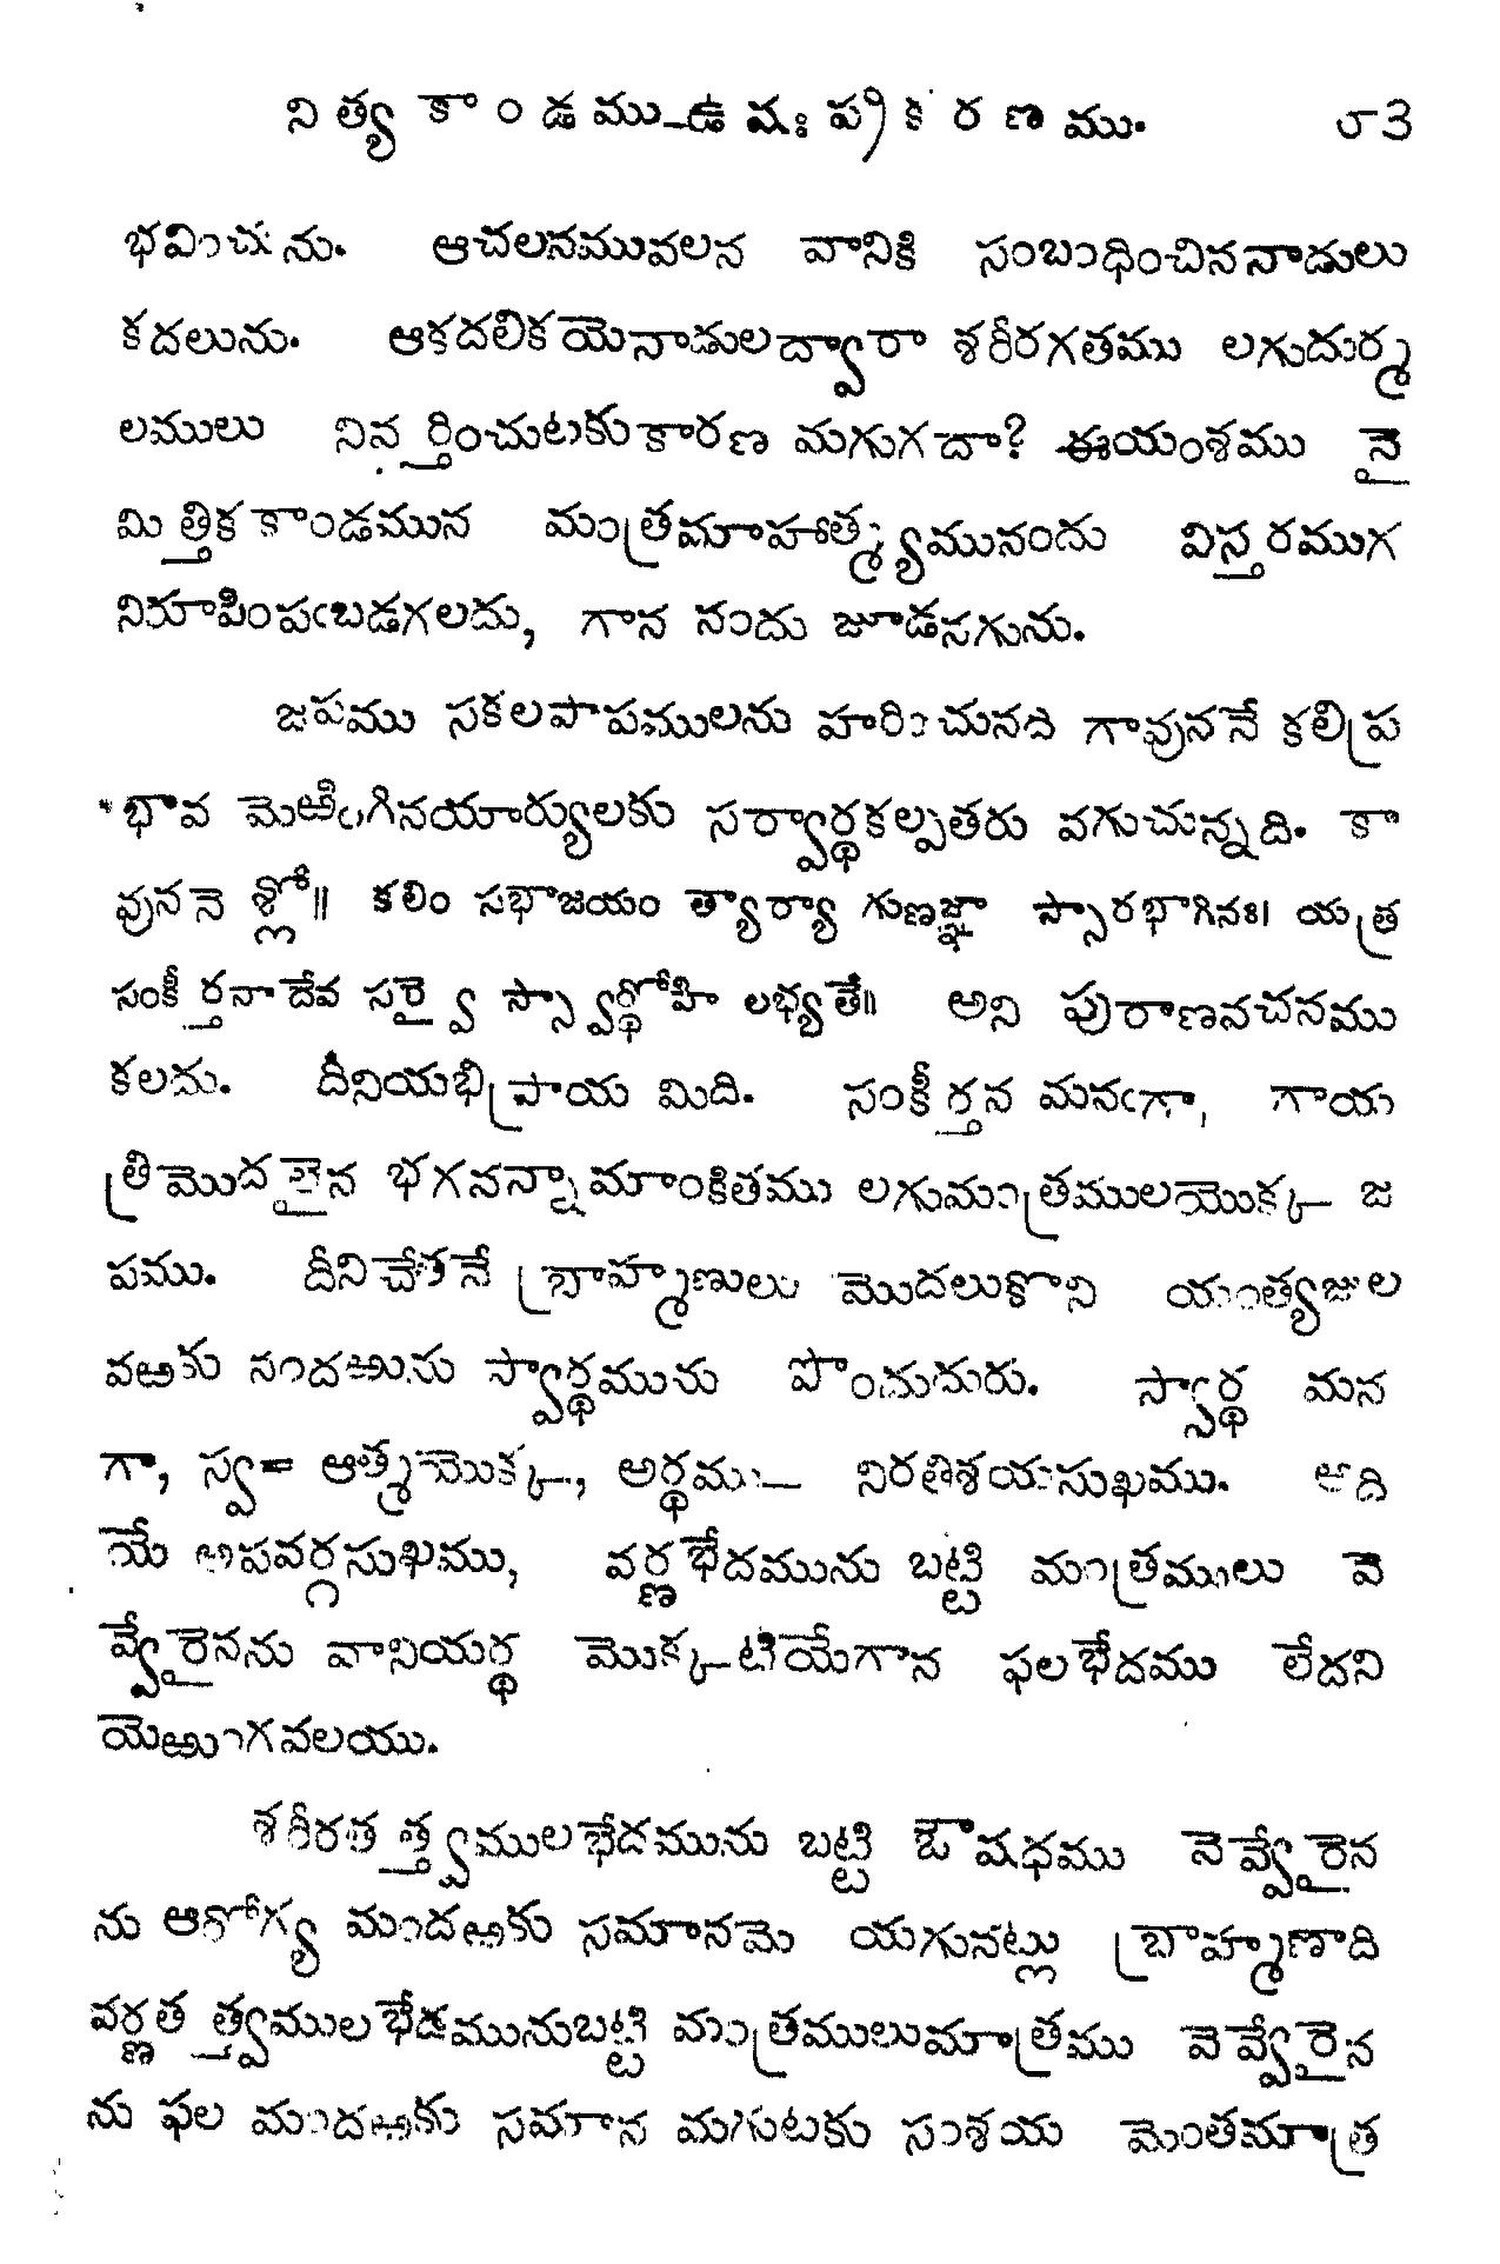భవించును. ఆచలనమువలన వానికి సంబంధించిననాడులు కదలును. ఆకదలికయెనాడులద్వారా శరీరగతము లగుదుర్మలములు నివర్తించుటకుకారణ మగుగదా? ఈయంశము నైమిత్తికకాండమున మంత్రమాహాత్మ్యమునందు విస్తరముగ నిరూపింపఁబడగలదు, గాన నందు జూడనగును.

జపము సకలపాపములను హరించునది గావుననే కలిప్రభావ మెఱింగినయార్యులకు సర్వార్థకల్పతరు వగుచున్నది. కావుననె శ్లో॥ కలిం సభాజయం త్యార్యా గుణజ్ఞా స్సారభాగినః| యత్ర సంకీర్తనాదేవ సర్వై స్స్వార్థోహి లభ్యతే॥ అని పురాణవచనము కలదు. దీనియభిప్రాయ మిది. సంకీర్తన మనఁగా, గాయత్రిమొదలైన భగవన్నామాంకితము లగుమంత్రములయొక్క జపము. దీనిచేతనే బ్రాహ్మణులు మొదలుకొని యంత్యజుల వఱకు నందఱును స్వార్థమును పొందుదురు. స్వార్థ మనగా, స్వ = ఆత్మయొక్క, అర్థము = నిరతిశయసుఖము. అదియే అపవర్గసుఖము, వర్ణభేదమును బట్టి మంత్రములు వెవ్వేరైనను వానియర్థ మొక్కటియేగాన ఫలభేదము లేదని యెఱుంగవలయు.

శరీరతత్త్వములభేదమును బట్టి ఔషధము వెవ్వేరైనను ఆరోగ్య మందఱకు సమానమే యగునట్లు బ్రాహ్మణాది
వర్ణతత్త్వముల భేదమునుబట్టి మంత్రములుమాత్రము వెవ్వేరైనను ఫల మందఱకు సమాన మగుటకు సంశయ మెంతమాత్ర